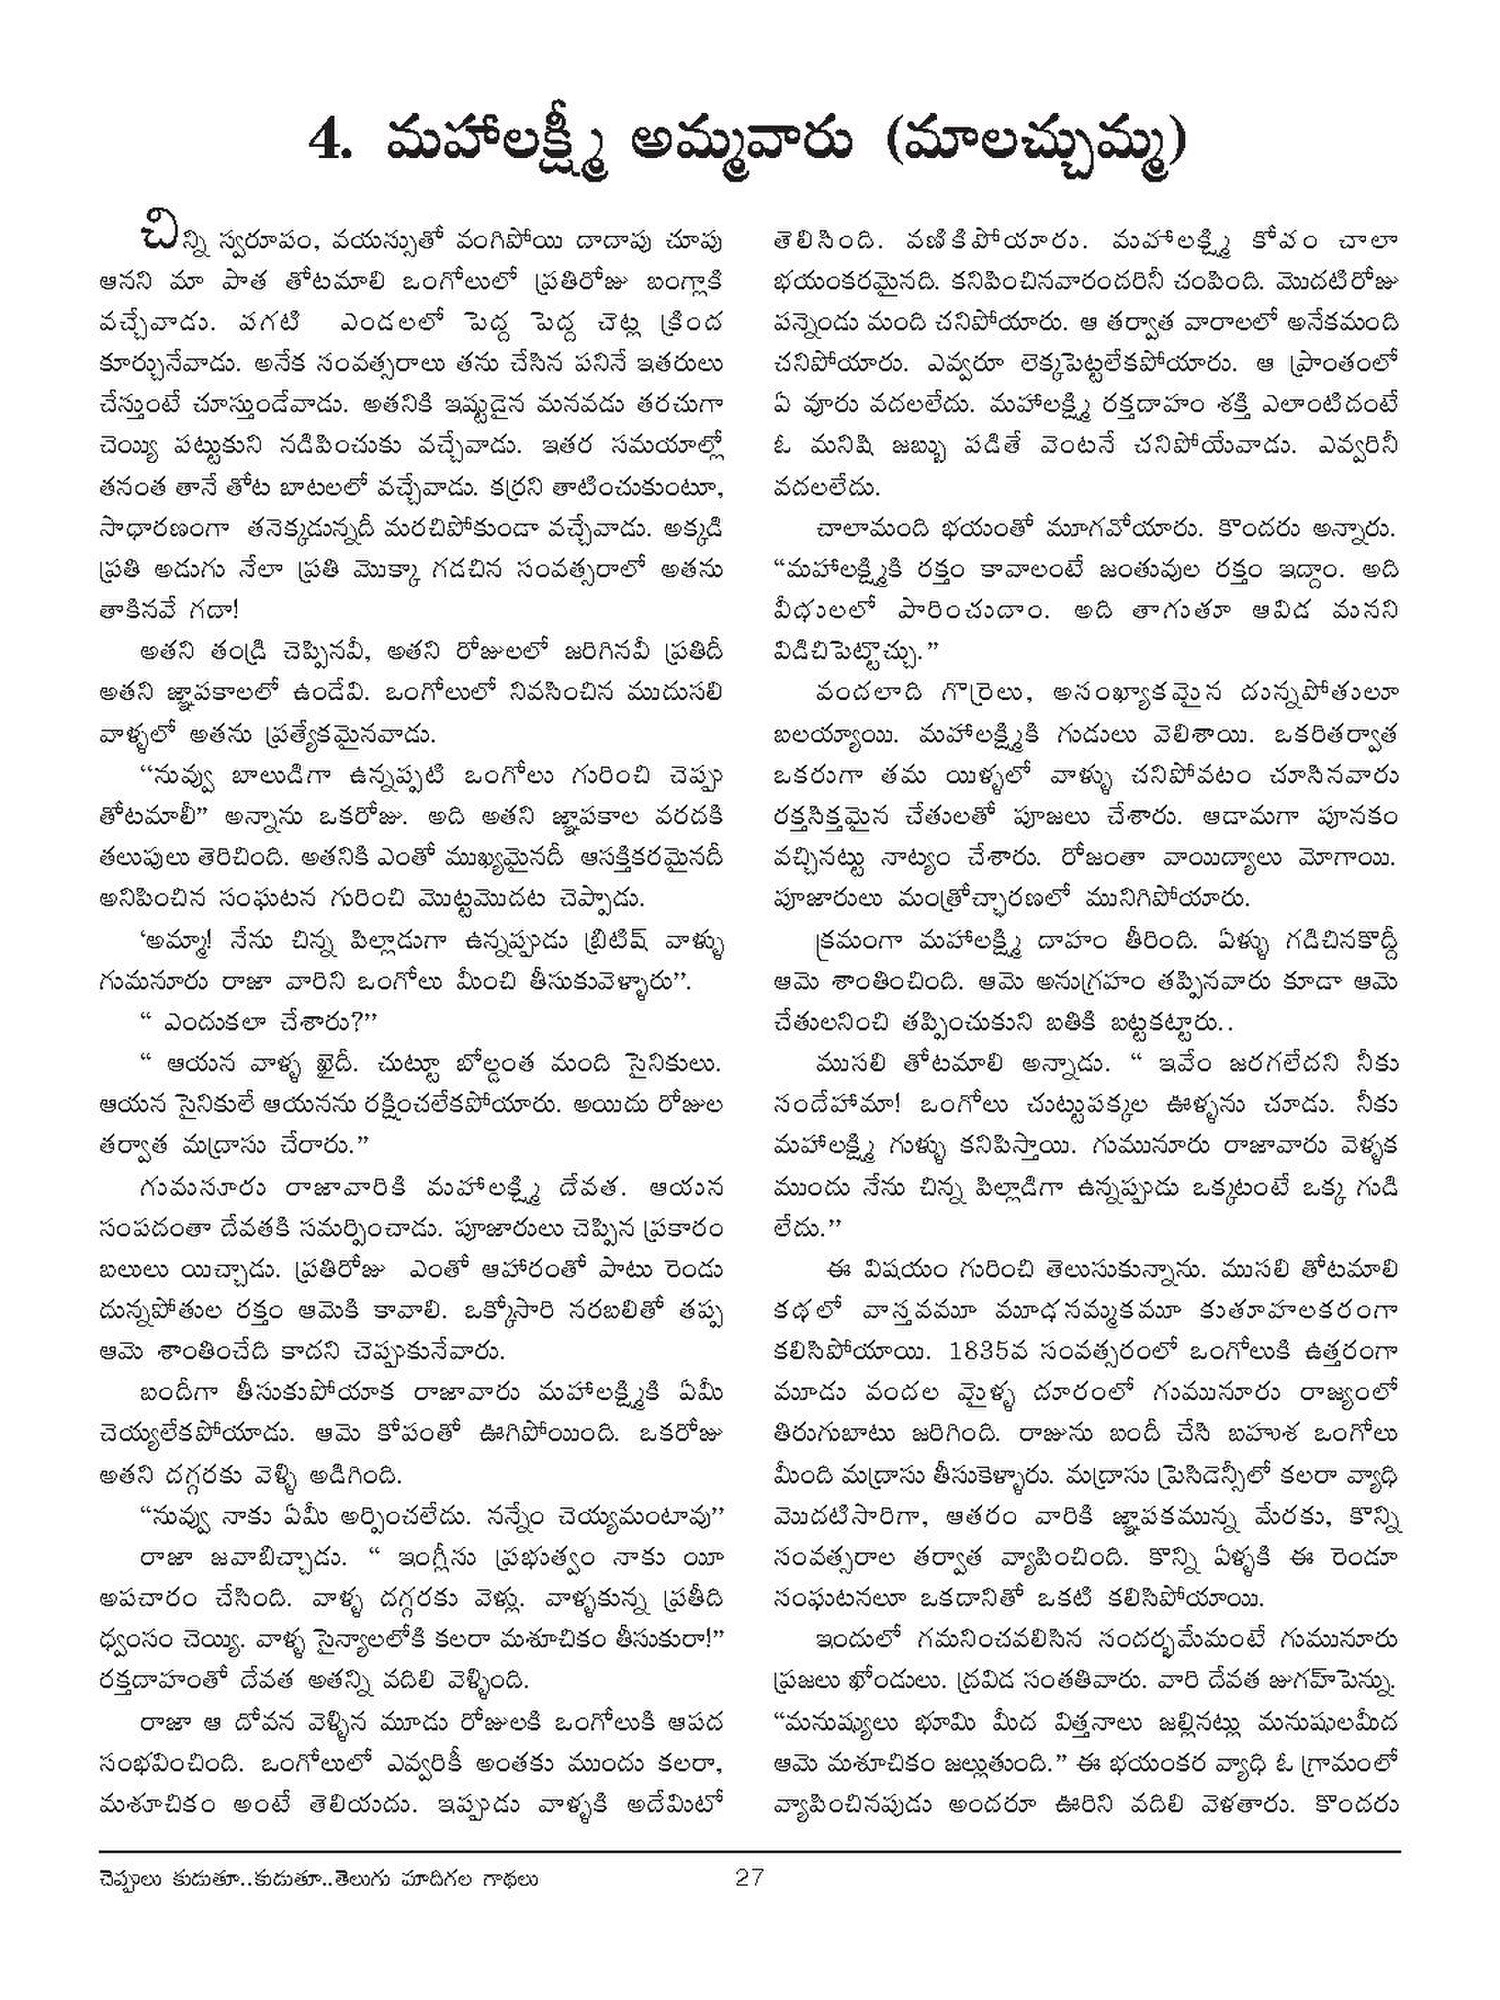4. మహాలక్ష్మీ అమ్మవారు (మాలచ్చుమ్మ)

న్ని స్వరూపం, వయస్సుతో వంగిపోయి దాదాపు చూపు
ఆనని మా పాత తోటమాలి ఒంగోలులో ప్రతిరోజు బంగ్లాకి
వచ్చేవాడు. పగటి ఎండలలో పెద్ద పెద్ద చెట్ల క్రింద
కూర్చునేవాడు. అనేక సంవత్సరాలు తను చేసిన పనినే ఇతరులు
చేస్తుంటే చూస్తుండేవాడు. అతనికి ఇష్టుడైన మనవడు తరచుగా
చెయ్యి పట్టుకుని నడిపించుకు వచ్చేవాడు. ఇతర సమయాల్లో
తనంత తానే తోట బాటలలో వచ్చేవాడు. కర్రని తాటించుకుంటూ,
సాధారణంగా తనెక్కడున్నదీ మరచిపోకుండా వచ్చేవాడు. అక్కడి
ప్రతి అడుగు నేలా ప్రతి మొక్కా గడచిన సంవత్సరాలో అతను
తాకినవే గదా!

అతని తండ్రి చెప్పినవీ, అతని రోజులలో జరిగినవీ ప్రతిదీ
అతని జ్ఞాపకాలలో ఉండేవి. ఒంగోలులో నివసించిన ముదుసలి
వాళ్ళలో అతను ప్రత్యేకమైనవాడు.

"నువ్వు బాలుడిగా ఉన్నప్పటి ఒంగోలు గురించి చెప్పు
తోటమాలీ" అన్నాను ఒకరోజు. అది అతని జ్ఞాపకాల వరదకి
తలుపులు తెరిచింది. అతనికి ఎంతో ముఖ్యమైనదీ ఆసక్తికరమైనదీ
అనిపించిన సంఘటన గురించి మొట్టమొదట చెప్పాడు.

'అమ్మా! నేను చిన్న పిల్లాడుగా ఉన్నప్పుడు బ్రిటిష్ వాళ్ళు
గుమనూరు రాజా వారిని ఒంగోలు మీంచి తీసుకువెళ్ళారు”.

ఎందుకలా చేశారు?”

"ఆయన వాళ్ళ ఖైదీ. చుట్టూ బోల్డంత మంది సైనికులు.
ఆయన సైనికులే ఆయనను రక్షించలేకపోయారు. అయిదు రోజుల
తర్వాత మద్రాసు చేరారు."

గుమసూరు రాజావారికి మహాలక్ష్మి దేవత. ఆయన
సంపదంతా దేవతకి సమర్పించాడు. పూజారులు చెప్పిన ప్రకారం
బలులు యిచ్చాడు. ప్రతిరోజు ఎంతో ఆహారంతో పాటు రెండు
దున్నపోతుల రక్తం ఆమెకి కావాలి. ఒక్కోసారి నరబలితో తప్ప
ఆమె శాంతించేది కాదని చెప్పుకునేవారు.

బందీగా తీసుకుపోయాక రాజావారు మహాలక్ష్మికి ఏమీ
చెయ్యలేకపోయాడు. ఆమె కోపంతో ఊగిపోయింది. ఒకరోజు
అతని దగ్గరకు వెళ్ళి అడిగింది.

"నువ్వు నాకు ఏమీ అర్పించలేదు. నన్నేం చెయ్యమంటావు”

రాజా జవాబిచ్చాడు. " ఇంగ్లీసు ప్రభుత్వం నాకు యీ యీ
అపచారం చేసింది. వాళ్ళ దగ్గరకు వెళ్లు. వాళ్ళకున్న ప్రతీది
ధ్వంసం చెయ్యి. వాళ్ళ సైన్యాలలోకి కలరా మశూచికం తీసుకురా!"
రక్తదాహంతో దేవత అతన్ని వదిలి వెళ్ళింది.

రాజా ఆ దోవన వెళ్ళిన మూడు రోజులకి ఒంగోలుకి ఆపద
సంభవించింది. ఒంగోలులో ఎవ్వరికీ అంతకు ముందు కలరా,
మశూచికం అంటే తెలియదు. ఇప్పుడు వాళ్ళకి అదేమిటో
తెలిసింది. వణికిపోయారు. మహాలక్ష్మి కోవం చాలా
భయంకరమైనది. కనిపించినవారందరినీ చంపింది. మొదటి రోజు
పన్నెండు మంది చనిపోయారు. ఆ తర్వాత వారాలలో అనేకమంది
చనిపోయారు. ఎవ్వరూ లెక్కపెట్టలేకపోయారు. ఆ ప్రాంతంలో
ఏ వూరు వదలలేదు. మహాలక్ష్మి రక్తదాహం శక్తి ఎలాంటిదంటే
ఓ మనిషి జబ్బు పడితే వెంటనే చనిపోయేవాడు. ఎవ్వరినీ
వదలలేదు.

చాలామంది భయంతో మూగవోయారు. కొందరు అన్నారు.
"మహాలక్ష్మికి రక్తం కావాలంటే జంతువుల రక్తం ఇద్దాం. అది
వీధులలో పారించుదాం. అది తాగుతూ ఆవిడ మనని
విడిచి పెట్టొచ్చు."

వందలాది గొర్రెలు, అసంఖ్యాకమైన దున్నపోతులూ
బలయ్యాయి. మహాలక్ష్మికి గుడులు వెలిశాయి. ఒకరితర్వాత
ఒకరుగా తమ యిళ్ళలో వాళ్ళు చనిపోవటం చూసినవారు
రక్తసిక్తమైన చేతులతో పూజలు చేశారు. ఆడామగా పూనకం
వచ్చినట్టు నాట్యం చేశారు. రోజంతా వాయిద్యాలు మోగాయి.
పూజారులు మంత్రోచ్చారణలో మునిగిపోయారు.

క్రమంగా మహాలక్ష్మి దాహం తీరింది. ఏళ్ళు గడిచినకొద్దీ
ఆమె శాంతించింది. ఆమె అనుగ్రహం తప్పినవారు కూడా ఆమె
చేతులనించి తప్పించుకుని బతికి బట్టకట్టారు..

ముసలి తోటమాలి అన్నాడు. " ఇవేం జరగలేదని నీకు
సందేహామా! ఒంగోలు చుట్టుపక్కల ఊళ్ళను చూడు. నీకు
మహాలక్ష్మి గుళ్ళు కనిపిస్తాయి. గుమునూరు రాజావారు వెళ్ళక
ముందు నేను చిన్న పిల్లాడిగా ఉన్నప్పుడు ఒక్కటంటే ఒక్క గుడి
లేదు.”

ఈ విషయం గురించి తెలుసుకున్నాను. ముసలి తోటమాలి
కథలో వాస్తవమూ మూఢనమ్మకమూ కుతూహలకరంగా
కలిసిపోయాయి. 1835వ సంవత్సరంలో ఒంగోలుకి ఉత్తరంగా
మూడు వందల మైళ్ళ దూరంలో గుమునూరు రాజ్యంలో
తిరుగుబాటు జరిగింది. రాజును బందీ చేసి బహుశ ఒంగోలు
మీంది మద్రాసు తీసుకెళ్ళారు. మద్రాసు ప్రెసిడెన్సీలో కలరా వ్యాధి
మొదటిసారిగా, ఆతరం వారికి జ్ఞాపకమున్న మేరకు, కొన్ని
సంవత్సరాల తర్వాత వ్యాపించింది. కొన్ని ఏళ్ళకి ఈ రెండూ
సంఘటనలూ ఒకదానితో ఒకటి కలిసిపోయాయి.

ఇందులో గమనించవలిసిన సందర్భమేమంటే గుమునూరు
ప్రజలు భోండులు. ద్రవిడ సంతతివారు. వారి దేవత జుగహ పెన్ను.
"మనుష్యులు భూమి మీద విత్తనాలు జల్లినట్లు మనుషులమీద
ఆమె మశూచికం జల్లుతుంది.” ఈ భయంకర వ్యాధి ఓ గ్రామంలో
వ్యాపించినపుడు అందరూ ఊరిని వదిలి వెళతారు. కొందరు